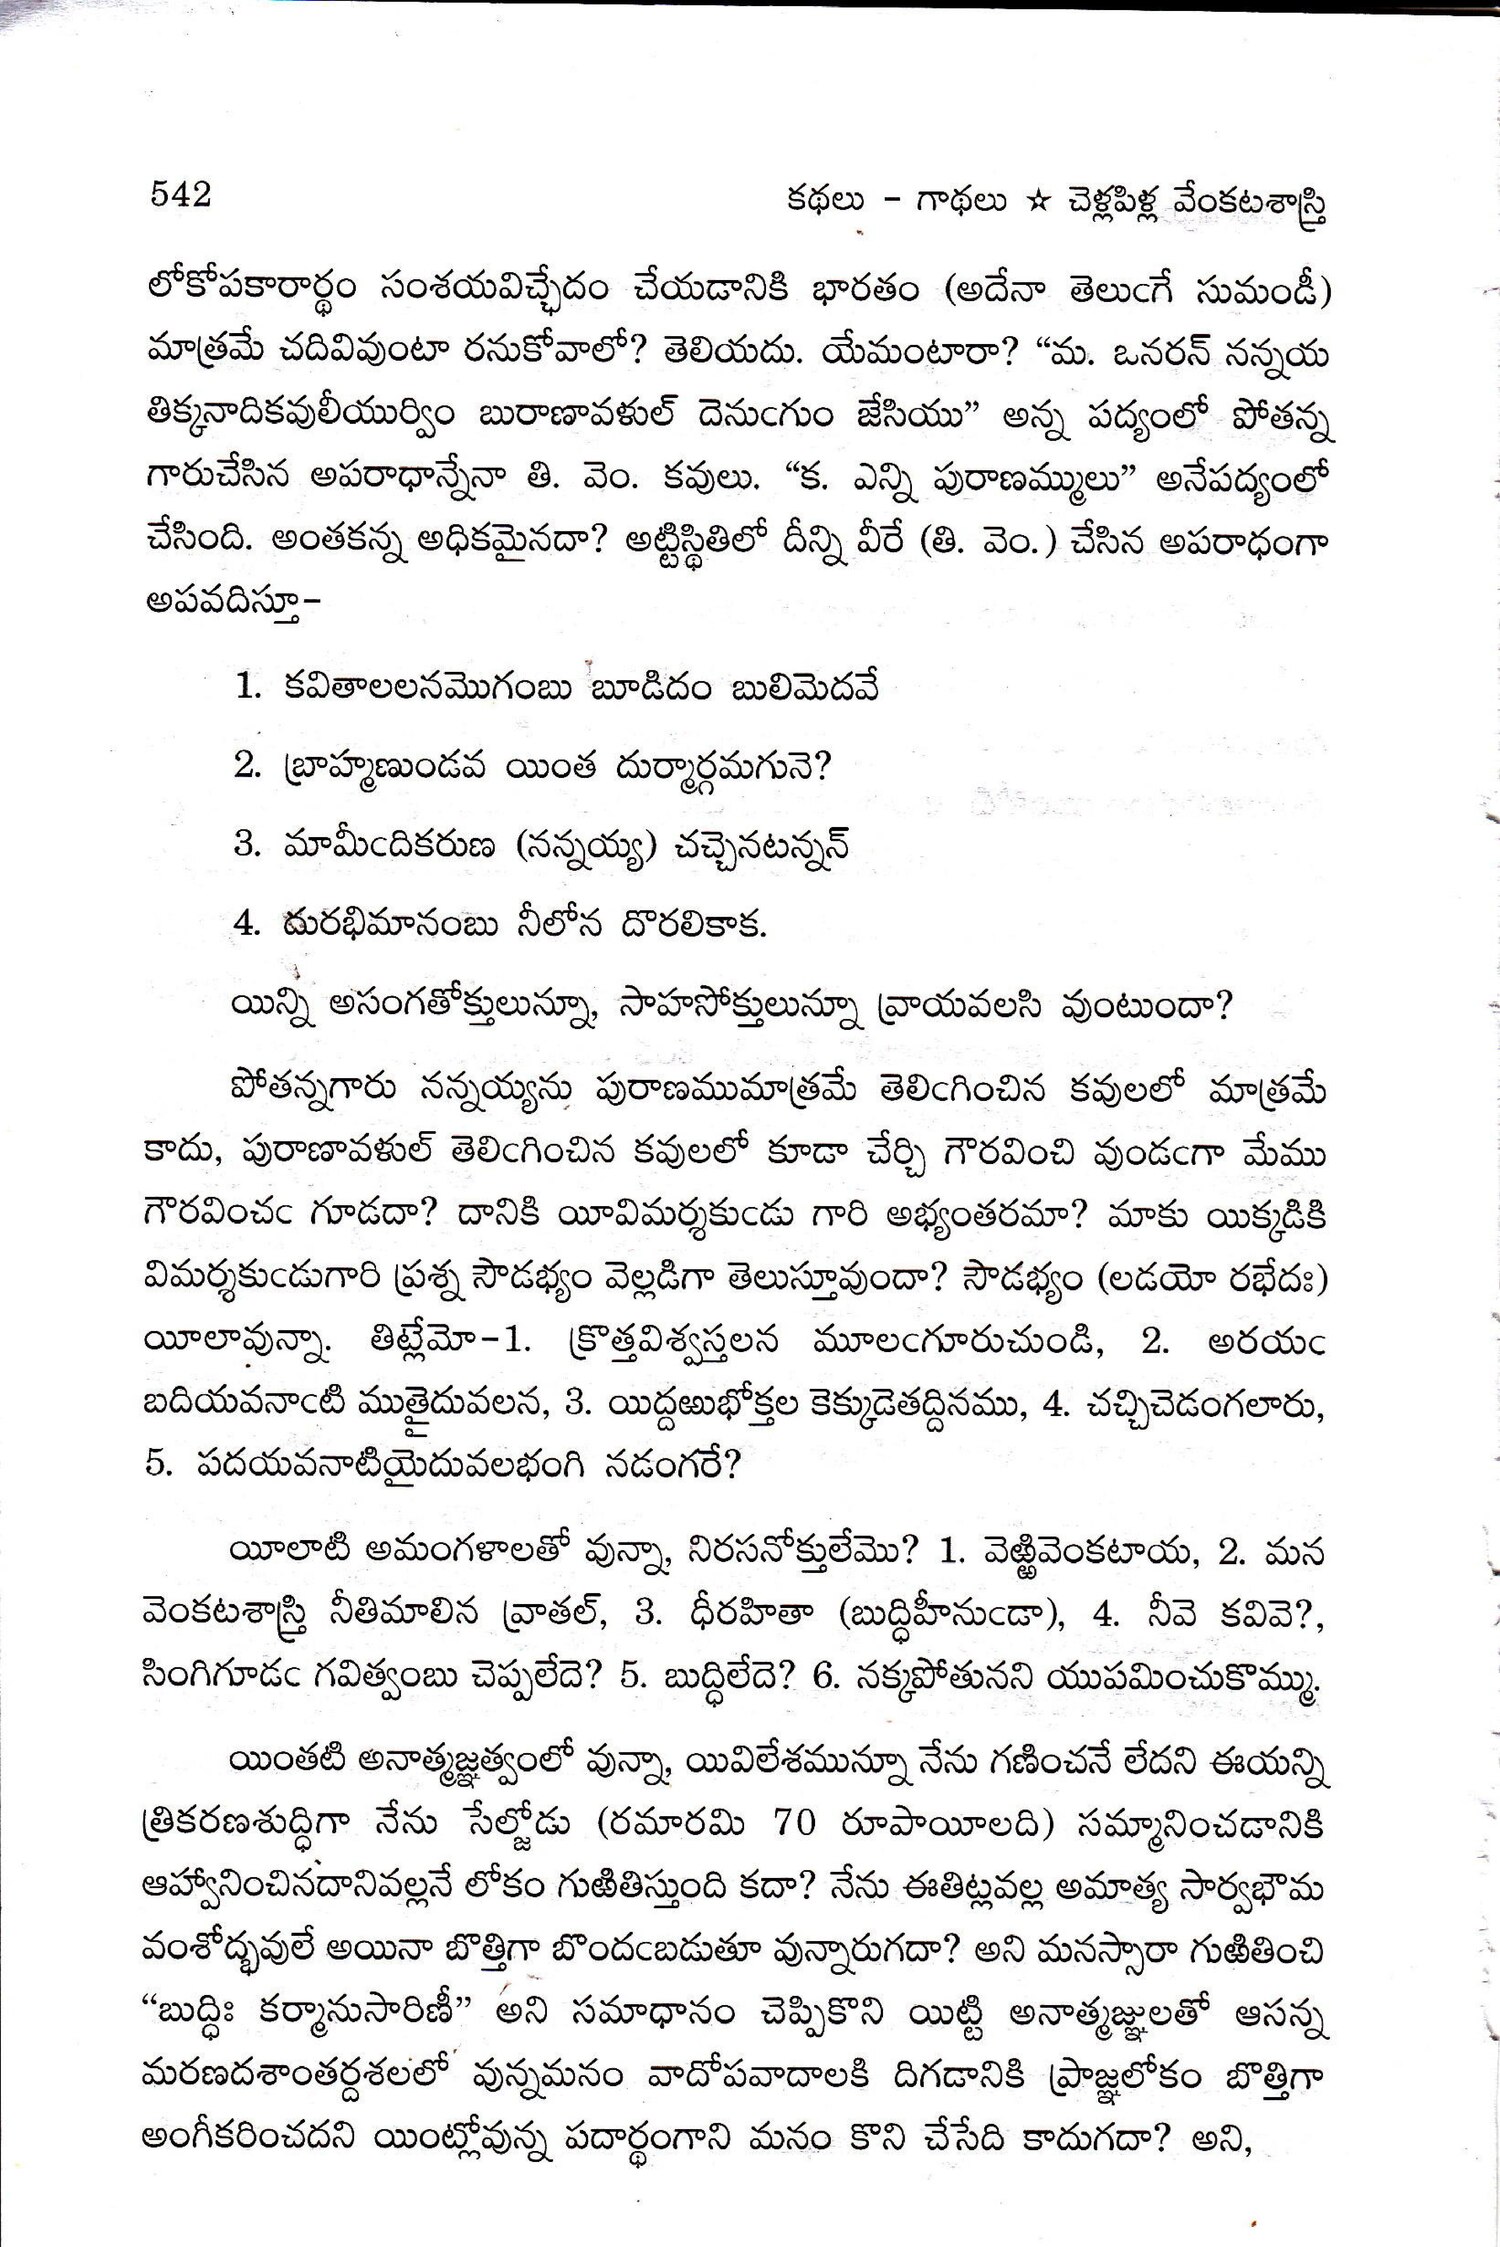లోకోపకారార్ధం సంశయవిచ్ఛేదం చేయడానికి భారతం (అదేనా తెలుఁగే సుమండీ) మాత్రమే చదివివుంటా రనుకోవాలో? తెలియదు. యేమంటారా? “మ. ఒనరన్ నన్నయ తిక్కనాదికవులీయుర్విం బురాణావళుల్ దెనుఁగుం జేసియు” అన్న పద్యంలో పోతన్న గారుచేసిన అపరాధాన్నేనా తి. వెం. కవులు. “క. ఎన్ని పురాణమ్ములు" అనేపద్యంలో చేసింది. అంతకన్న అధికమైనదా? అట్టిస్థితిలో దీన్ని వీరే (తి. వెం.) చేసిన అపరాధంగా అపవదిస్తూ-

1. కవితాలలనమొగంబు బూడిదం బులిమెదవే

2. బ్రాహ్మణుండవ యింత దుర్మార్గమగునె?

3. మామీఁదికరుణ (నన్నయ్య) చచ్చెనటన్నన్

4. దురభిమానంబు నీలోన దొరలికాక.

యిన్ని అసంగతోక్తులున్నూ, సాహసోక్తులున్నూ వ్రాయవలసి వుంటుందా?

పోతన్నగారు నన్నయ్యను పురాణముమాత్రమే తెలిఁగించిన కవులలో మాత్రమే కాదు, పురాణావళుల్ తెలిఁగించిన కవులలో కూడా చేర్చి గౌరవించి వుండఁగా మేము గౌరవించఁ గూడదా? దానికి యీవిమర్శకుఁడు గారి అభ్యంతరమా? మాకు యిక్కడికి విమర్శకుఁడుగారి ప్రశ్న సౌడభ్యం వెల్లడిగా తెలుస్తూవుందా? సౌడభ్యం (లడయో రభేదః) యీలావున్నా తిట్లేమో-1. క్రొత్తవిశ్వస్తలన మూలఁగూరుచుండి, 2. అరయఁ బదియవనాఁటి ముత్తైదువలన, 3. యిద్దఱుభోక్తల కెక్కడెతద్దినము, 4. చచ్చిచెడంగలారు, 5. పదయవనాటియైదువలభంగి నడంగరే?

యీలాటి అమంగళాలతో వున్నా నిరసనోక్తులేమొ? 1. వెఱ్ఱివెంకటాయ, 2. మన వెంకటశాస్త్రి నీతిమాలిన వ్రాతల్, 3. ధీరహితా (బుద్ధిహీనుఁడా), 4. నీవె కవివె?, సింగిగూడఁ గవిత్వంబు చెప్పలేదె? 5. బుద్ధిలేదె? 6. నక్కపోతునని యుపమించుకొమ్ము.

యింతటి అనాత్మజ్ఞత్వంలో వున్నా, యివిలేశమున్నూ నేను గణించనే లేదని ఈయన్ని త్రికరణశుద్ధిగా నేను సేల్జోడు (రమారమి 70 రూపాయిలది) సమ్మానించడానికి ఆహ్వానించినదానివల్లనే లోకం గుఱితిస్తుంది కదా? నేను ఈతిట్లవల్ల అమాత్య సార్వభౌమ వంశోద్భవులే అయినా బొత్తిగా బొందcబడుతూ వున్నారుగదా? అని మనస్సారా గుఱితించి “బుద్ధిః కర్మానుసారిణీ" అని సమాధానం చెప్పికొని యిట్టి అనాత్మజ్ఞులతో ఆసన్న మరణదశాంతర్దశలలో వున్నమనం వాదోపవాదాలకి దిగడానికి ప్రాజ్ఞలోకం బొత్తిగా అంగీకరించదని యింట్లోవున్న పదార్థంగాని మనం కొని చేసేది కాదుగదా? అని,